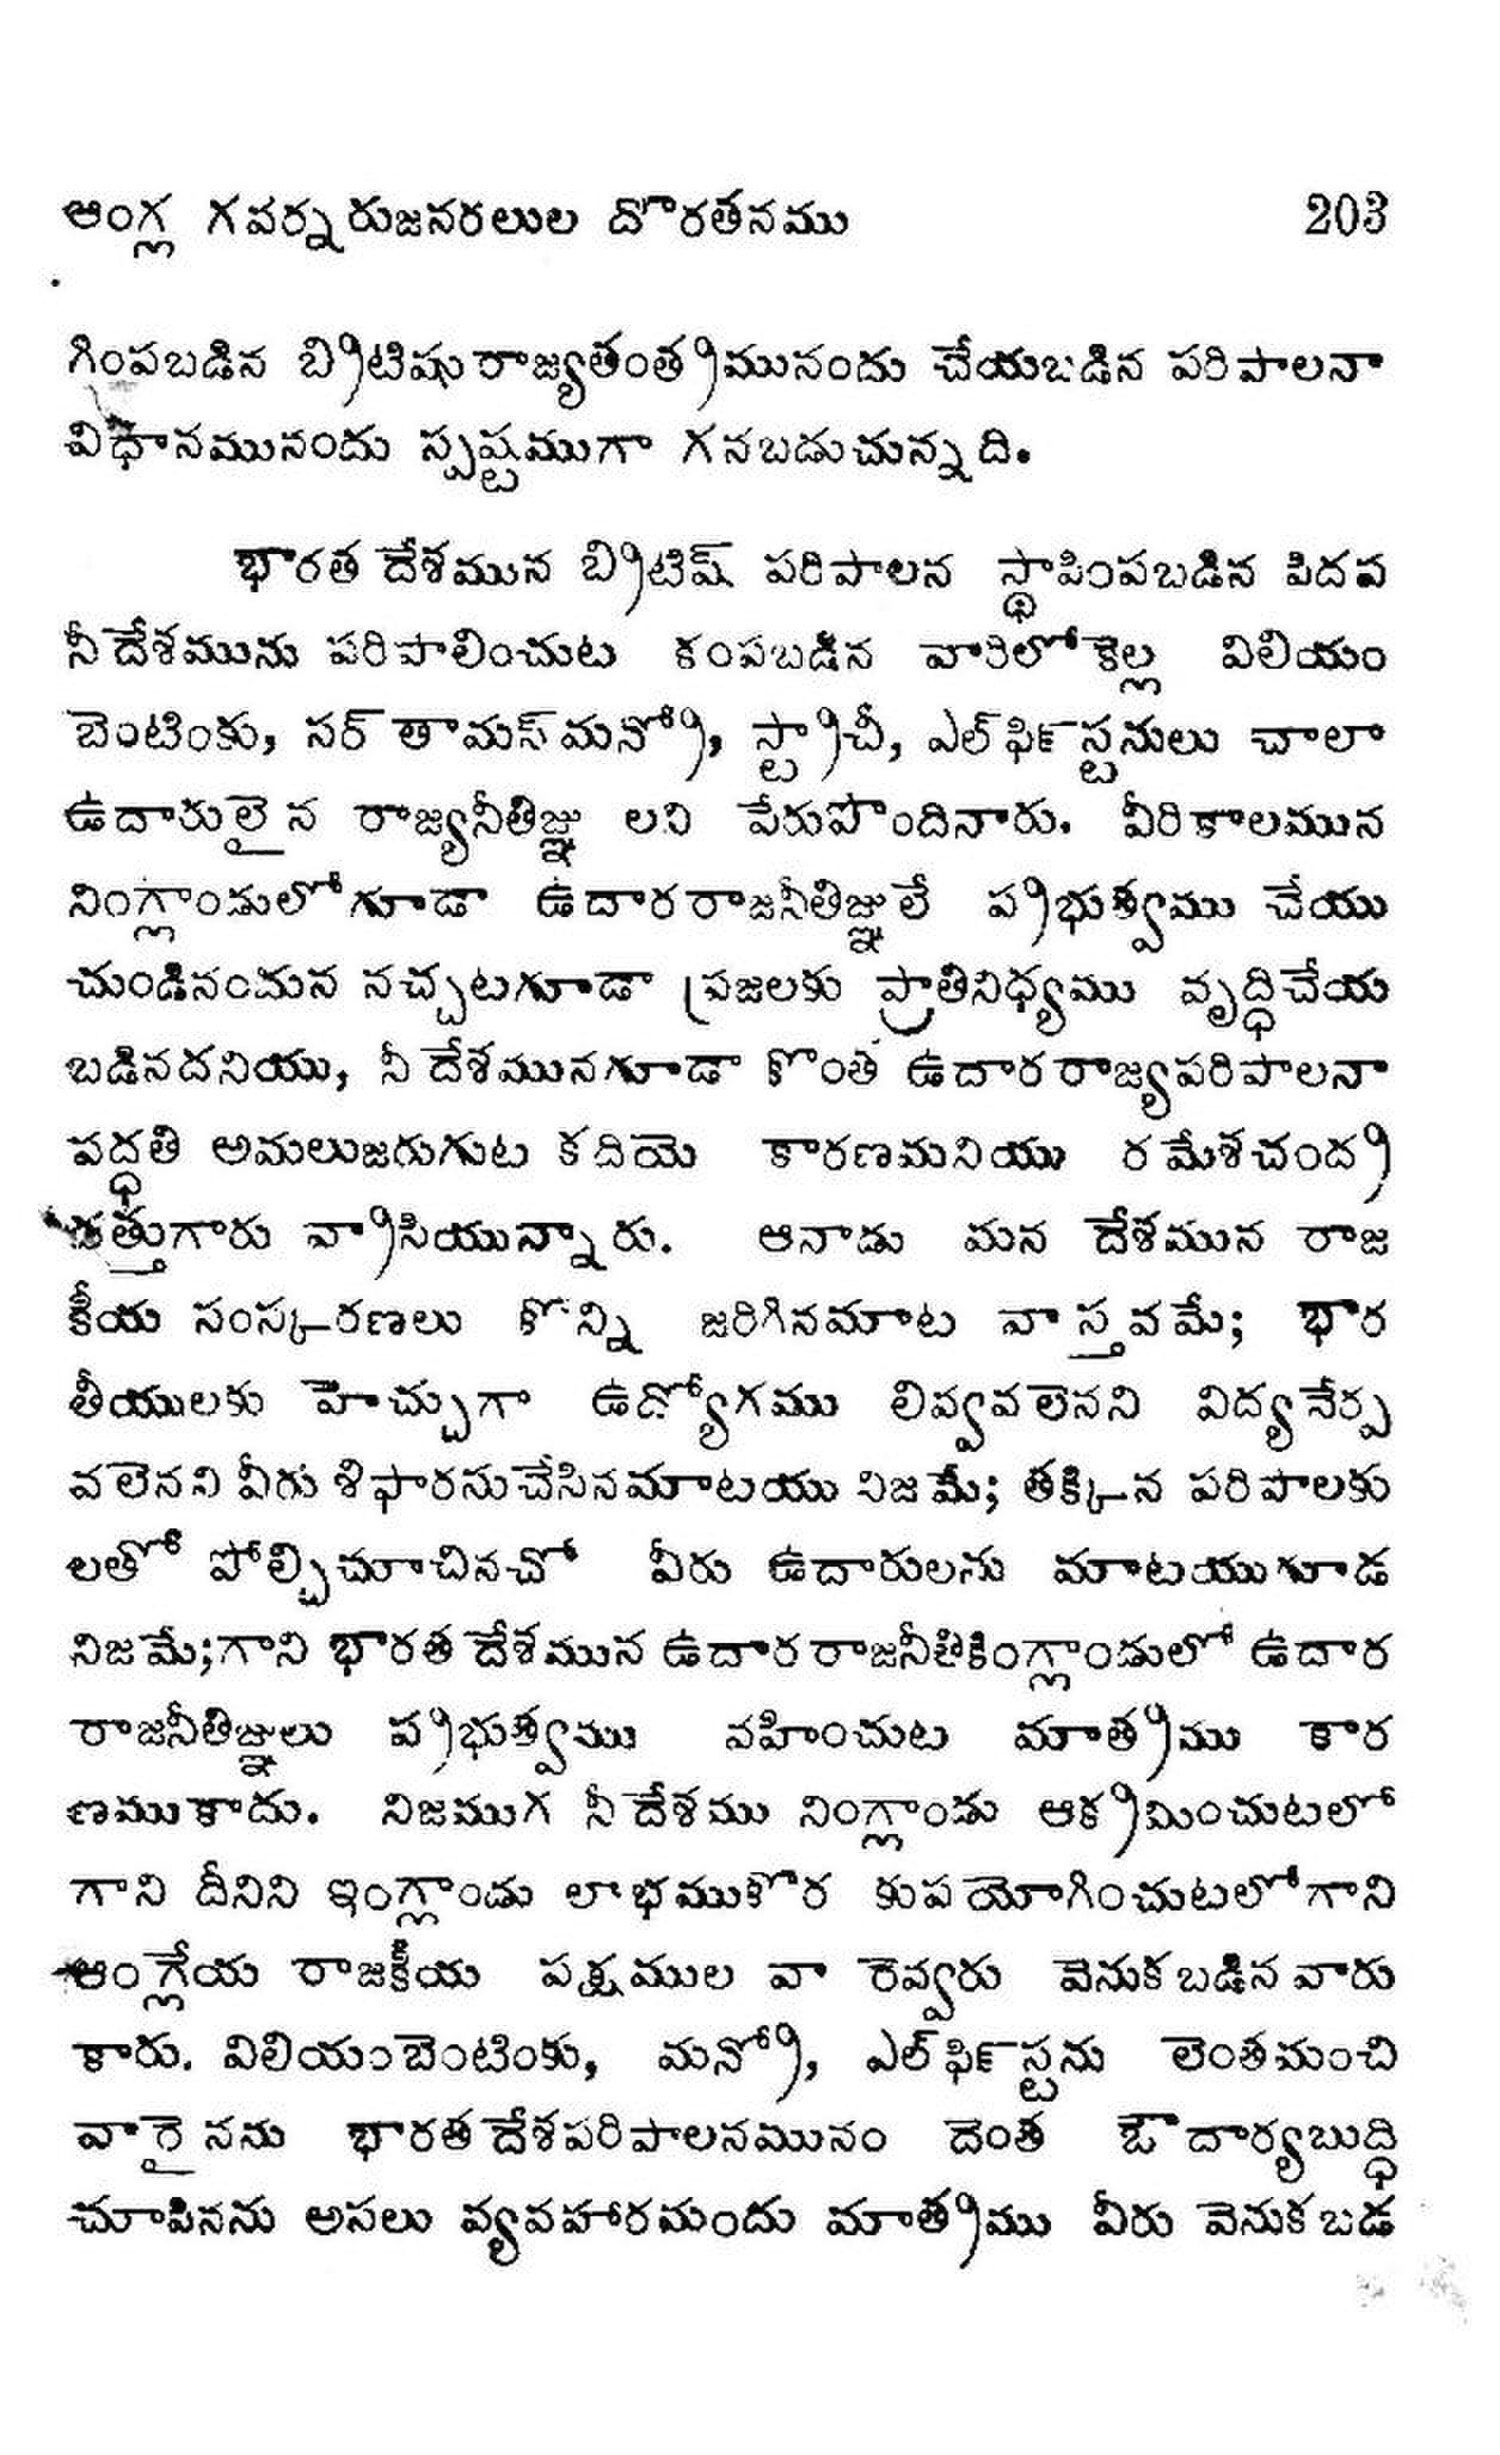గింపబడిన బ్రిటిషురాజ్యతంత్రమునందు చేయబడిన పరిపాలనా విధానమునందు స్పష్టముగా గనబడుచున్నది.

భారత దేశమున బ్రిటిష్ పరిపాలన స్థాపింపబడిన పిదప నీ దేశమును పరిపాలించుట కంపబడిన వారిలోకెల్ల విలియం బెంటింకు, సర్ తామస్ మన్రో, స్ట్రాచీ, ఎల్‌ఫి౯స్టనులు చాలా ఉదారులైన రాజ్యనీతిజ్ఞు లని పేరుపొందినారు. వీరికాలమున నింగ్లాండులో గూడా ఉదారరాజనీతిజ్ఞులే ప్రభుత్వము చేయు చుండినంచున నచ్చటగూడా ప్రజలకు ప్రాతినిధ్యము వృద్ధిచేయ బడినదనియు, నీ దేశమునగూడా కొంత ఉదారరాజ్యపరిపాలనా పద్ధతి అమలుజరుగుట కదియె కారణమనియు రమేశచంద్ర దత్తుగారు వ్రాసియున్నారు. ఆనాడు మన దేశమున రాజకీయ సంస్కరణలు కొన్ని జరిగినమాట వాస్తవమే; భారతీయులకు హెచ్చుగా ఉద్యోగము లివ్వవలెనని విద్యనేర్పవలెనని వీరు శిఫారసుచేసిన మాటయు నిజమే; తక్కిన పరిపాలకులతో పోల్చిచూచినచో వీరు ఉదారులను మాటయుగూడ నిజమే;గాని భారత దేశమున ఉదార రాజనీతికింగ్లాండులో ఉదార రాజనీతిజ్ఞులు ప్రభుత్వము వహించుట మాత్రము కారణముకాదు. నిజముగ నీ దేశము నింగ్లాండు ఆక్రమించుటలో గాని దీనిని ఇంగ్లాండు లాభముకొర కుపయోగించుటలోగాని ఆంగ్లేయ రాజకీయ పక్షముల వా రెవ్వరు వెనుకబడినవారుకారు. విలియంబెంటింకు, మన్రో, ఎల్‌ఫి౯స్టను లెంతమంచి వారైనను భారతదేశపరిపాలనమునం దెంత ఔదార్యబుద్ది చూపినను అసలు వ్యవహారమందు మాత్రము వీరు వెనుకబడ